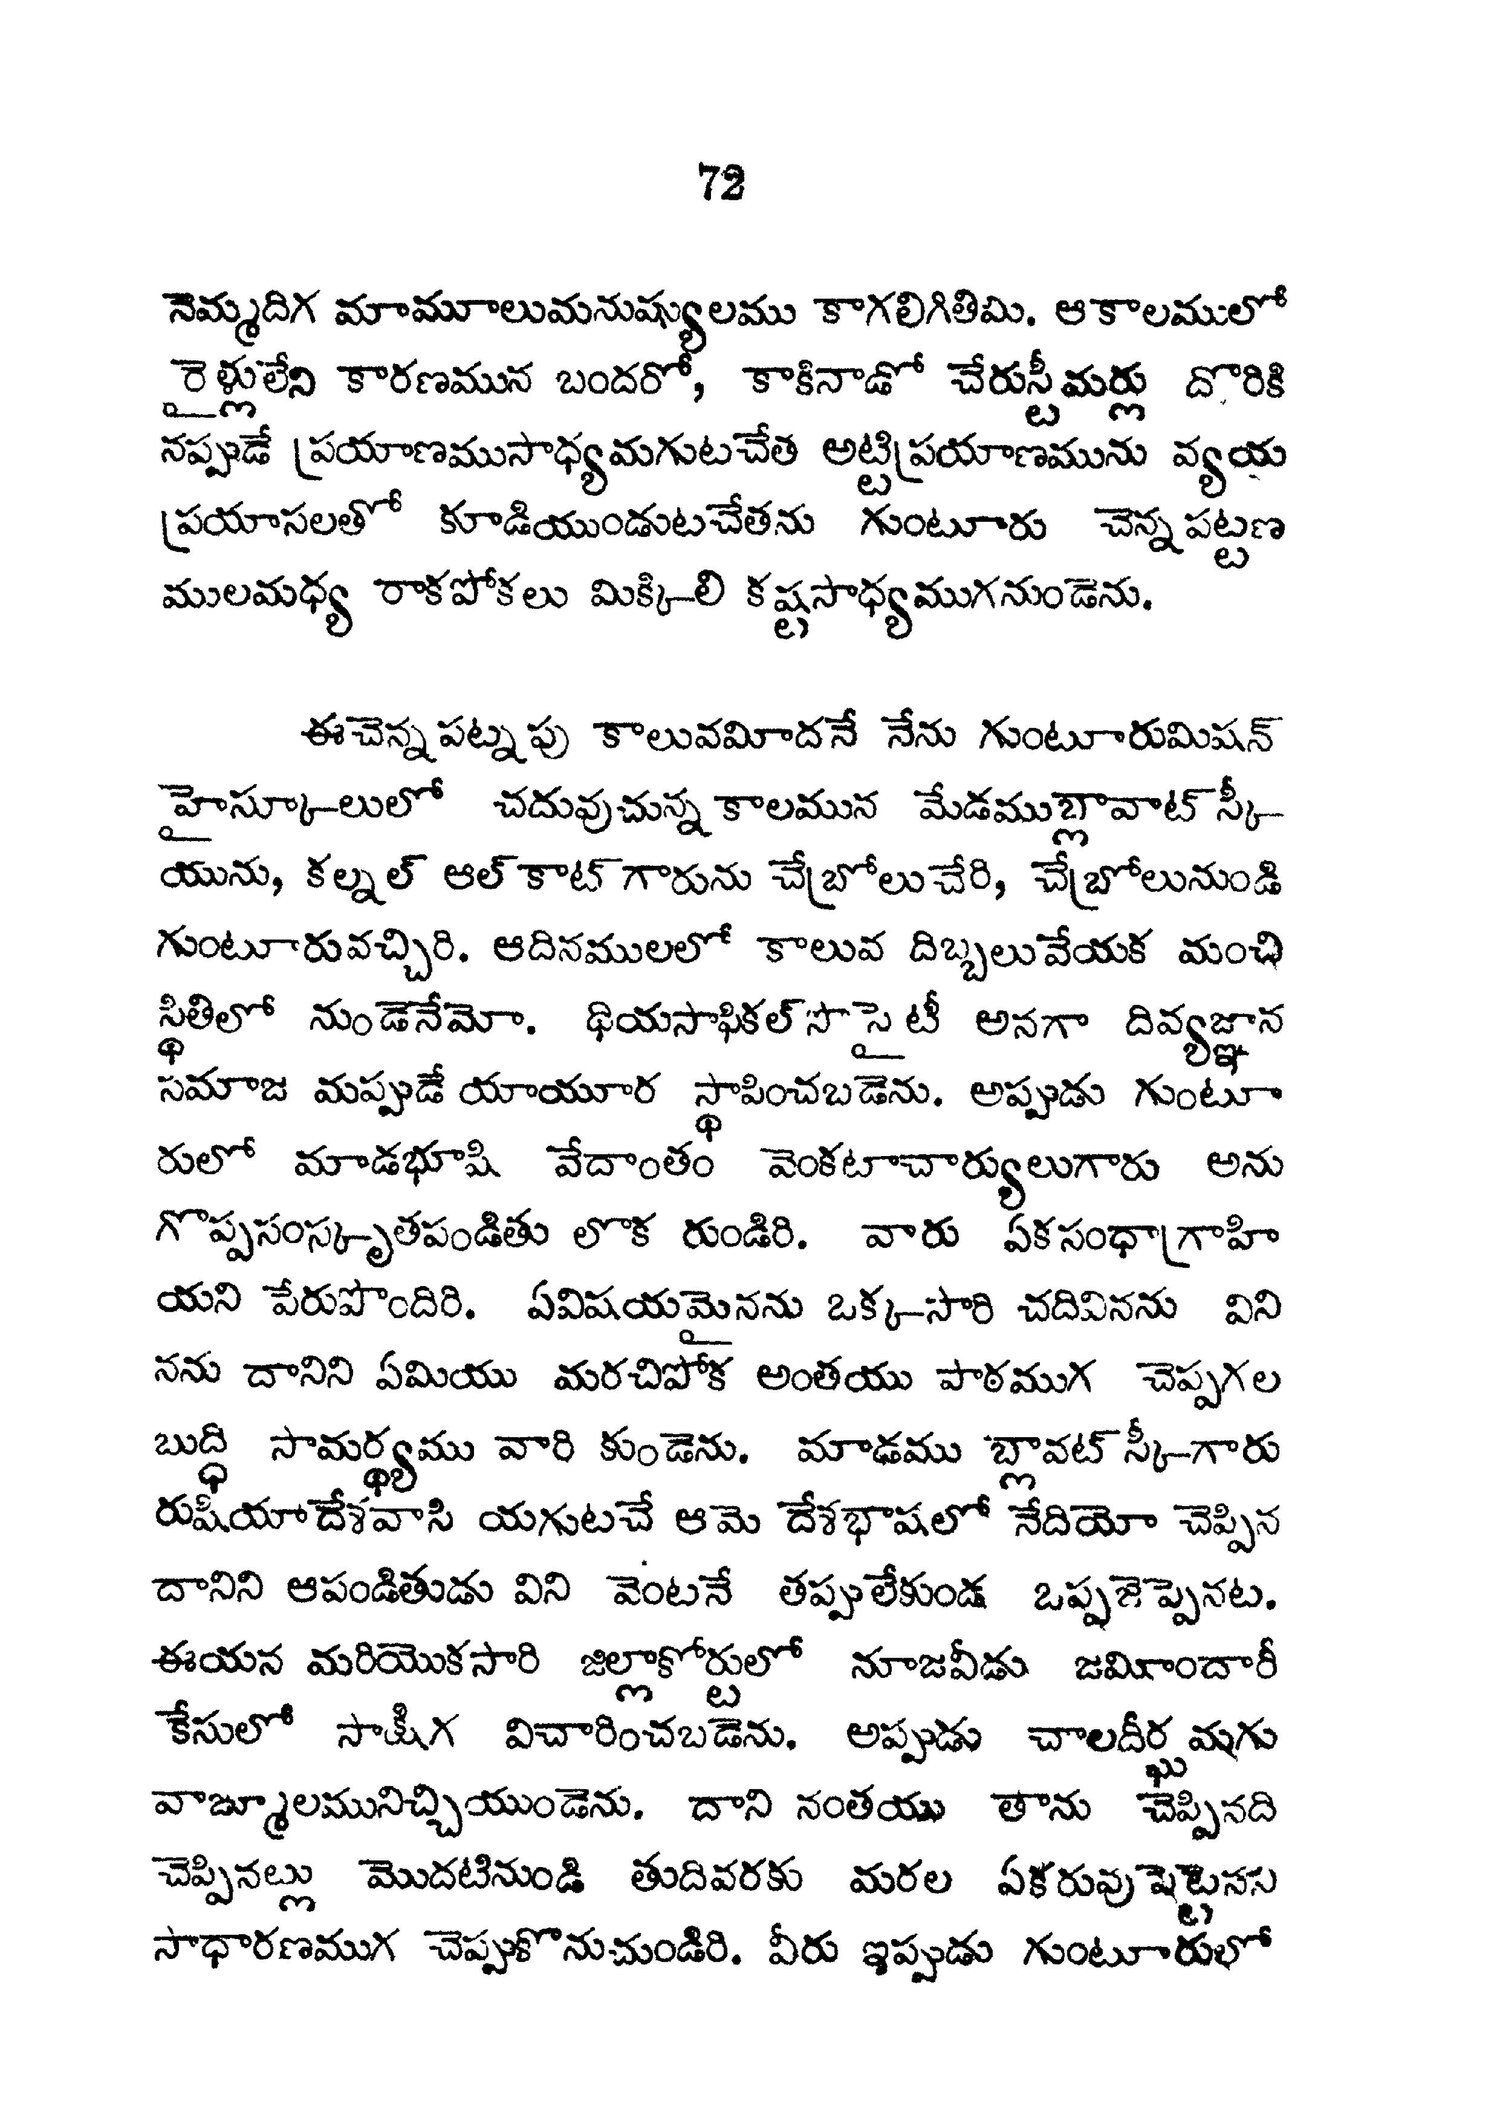నెమ్మదిగ మామూలుమనుష్యులము కాగలిగితిమి. ఆకాలములో రైళ్లులేని కారణమున బందరో, కాకినాడో చేరుస్టీమర్లు దొరికినప్పుడే ప్రయాణముసాధ్యమగుటచేత అట్టిప్రయాణమును వ్యయప్రయాసలతో కూడియుండుటచేతను గుంటూరు చెన్నపట్టణములమధ్య రాకపోకలు మిక్కిలి కష్టసాధ్యముగనుండెను.

ఈచెన్నపట్టణపు కాలువమీదనే నేను గుంటూరుమిషన్ హైస్కూలులో చదువుచున్నకాలమున మేడముబ్లావాట్‌స్కియును, కల్నల్ ఆల్‌కాట్‌గారును చేబ్రోలుచేరి, చేబ్రోలునుండి గుంటూరువచ్చిరి. ఆదినములలో కాలువ దిబ్బలువేయక మంచి స్థితిలో నుండెనేమో. థియసాఫికల్ సొసైటీ అనగా దివ్యజ్ఞాన సమాజ మప్పుడే యాయూర స్థాపించబడెను. అప్పుడు గుంటూరులో మాడభూషి వేదాంతం వెంకటాచార్యులుగారు అను గొప్పసంస్కృతపండితు లొక రుండిరి. వారు ఏకసంధాగ్రాహి యని పేరుపొందిరి. ఏవిషయమైనను ఒక్కసారి చదివినను వినినను దానిని ఏమియు మరచిపోక అంతయు పాఠముగ చెప్పగల బుద్ధి సామర్థ్యము వారి కుండెను. మాడము బ్లావట్‌స్కీగారు రుషియాదేశవాసి యగుటచే ఆమె దేశభాషలో నేదియో చెప్పిన దానిని ఆపండితుడు విని వెంటనే తప్పులేకుండ ఒప్పజెప్పెనట. ఈయన మరియొకసారి జిల్లాకోర్టులో నూజవీడు జమీందారీ కేసులో సాక్షిగ విచారించబడెను. అప్పుడు చాలదీర్ఘమగు వాజ్మూలమునిచ్చియుండెను. దాని నంతయు తాను చెప్పినది చెప్పినట్లు మొదటినుండి తుదివరకు మరల ఏకరువుపెట్టెనని సాధారణముగ చెప్పుకొనుచుండిరి. వీరు ఇప్పుడు గుంటూరులో